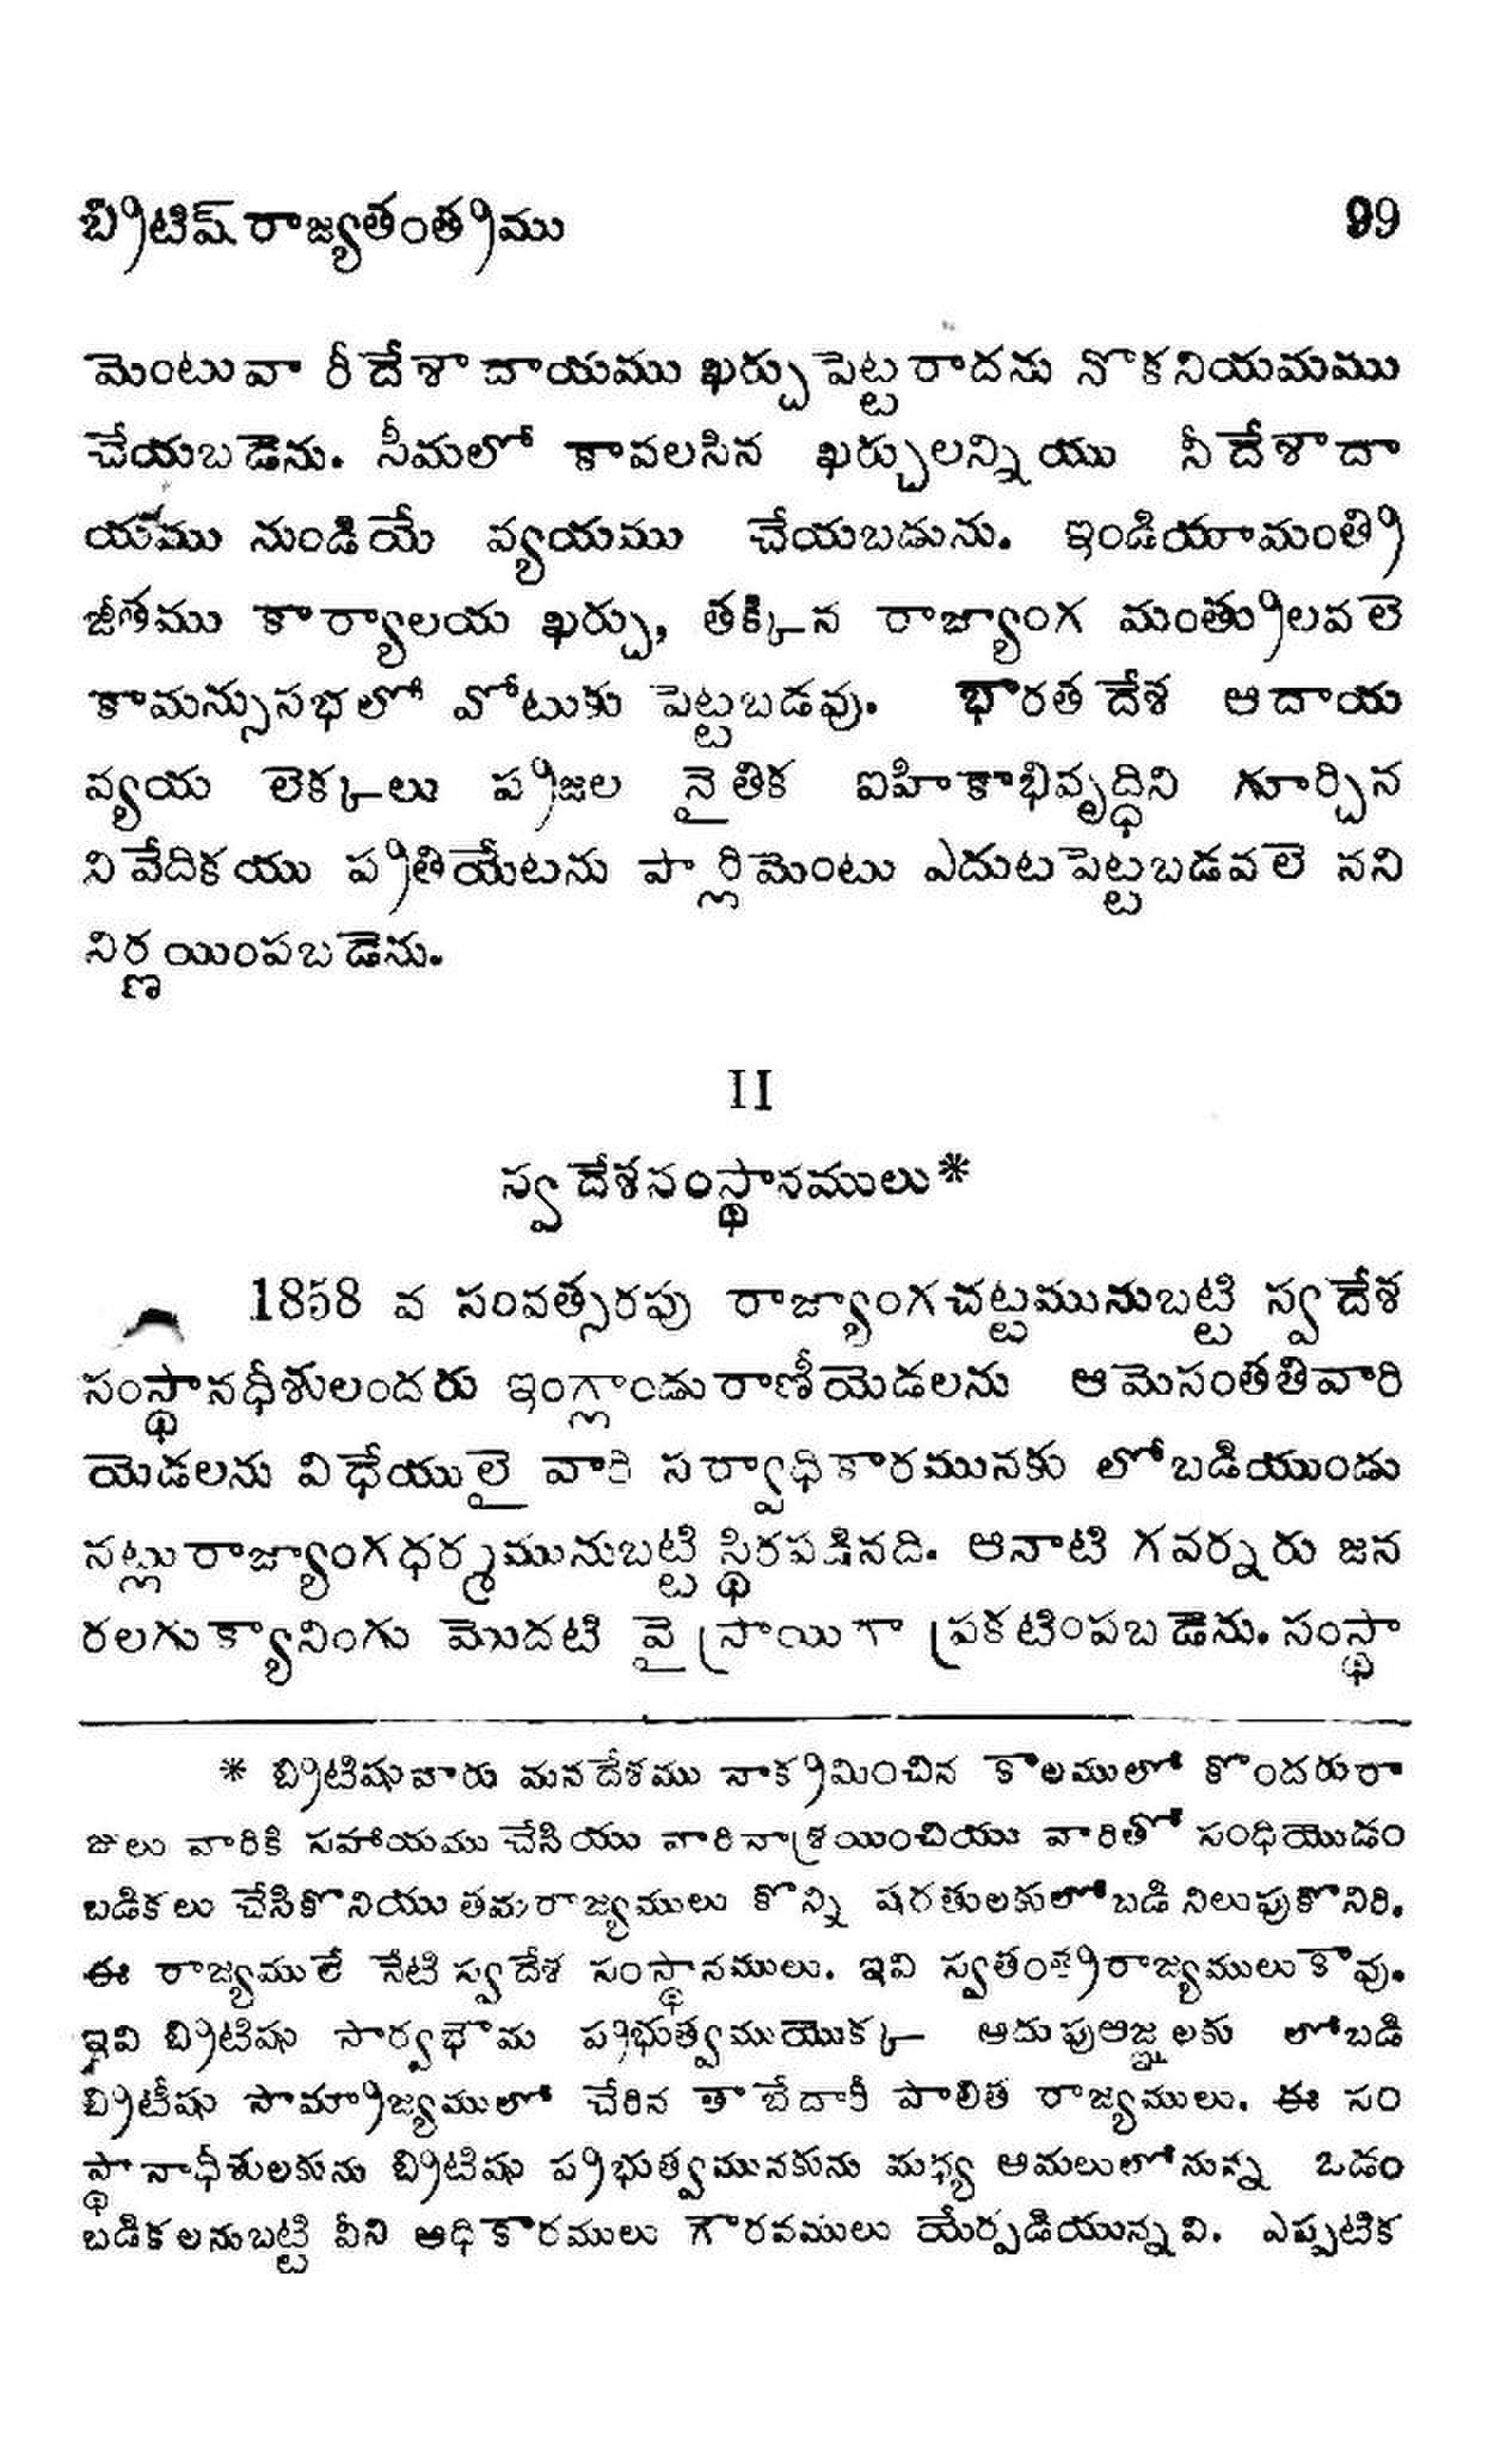మెంటువా రీదేశాదాయము ఖర్చు పెట్టరాదను నొకనియమము చేయబడెను. సీమలో కావలసిన ఖర్చులన్నియు నీదేశాదాయము నుండియే వ్యయము చేయబడును. ఇండియామంత్రి జీతము కార్యాలయ ఖర్చు, తక్కిన రాజ్యాంగ మంత్రులవలె కామన్సుసభలో వోటుకు పెట్టబడవు. భారతదేశ ఆదాయ వ్యయ లెక్కలు ప్రజల నైతిక ఐహికాభివృద్ధిని గూర్చిన నివేదికయు ప్రతియేటను పార్లమెంటు ఎదుట పెట్టబడవలె నని నిర్ణయింపబడెను.

II
స్వదేశసంస్థానములు 

1858 వ సంవత్సరపు రాజ్యాంగచట్టమునుబట్టి స్వదేశ సంస్థానధీశులందరు ఇంగ్లాండురాణీయెడలను ఆమెసంతతివారియెడలను విధేయులై వారి సర్వాధికారమునకు లోబడియుండునట్లు రాజ్యాంగధర్మమునుబట్టి స్థిరపడినది. ఆనాటి గవర్నరు జనరలగు క్వానింగు మొదటి వైస్రాయిగా ప్రకటింపబడెను. సంస్థా